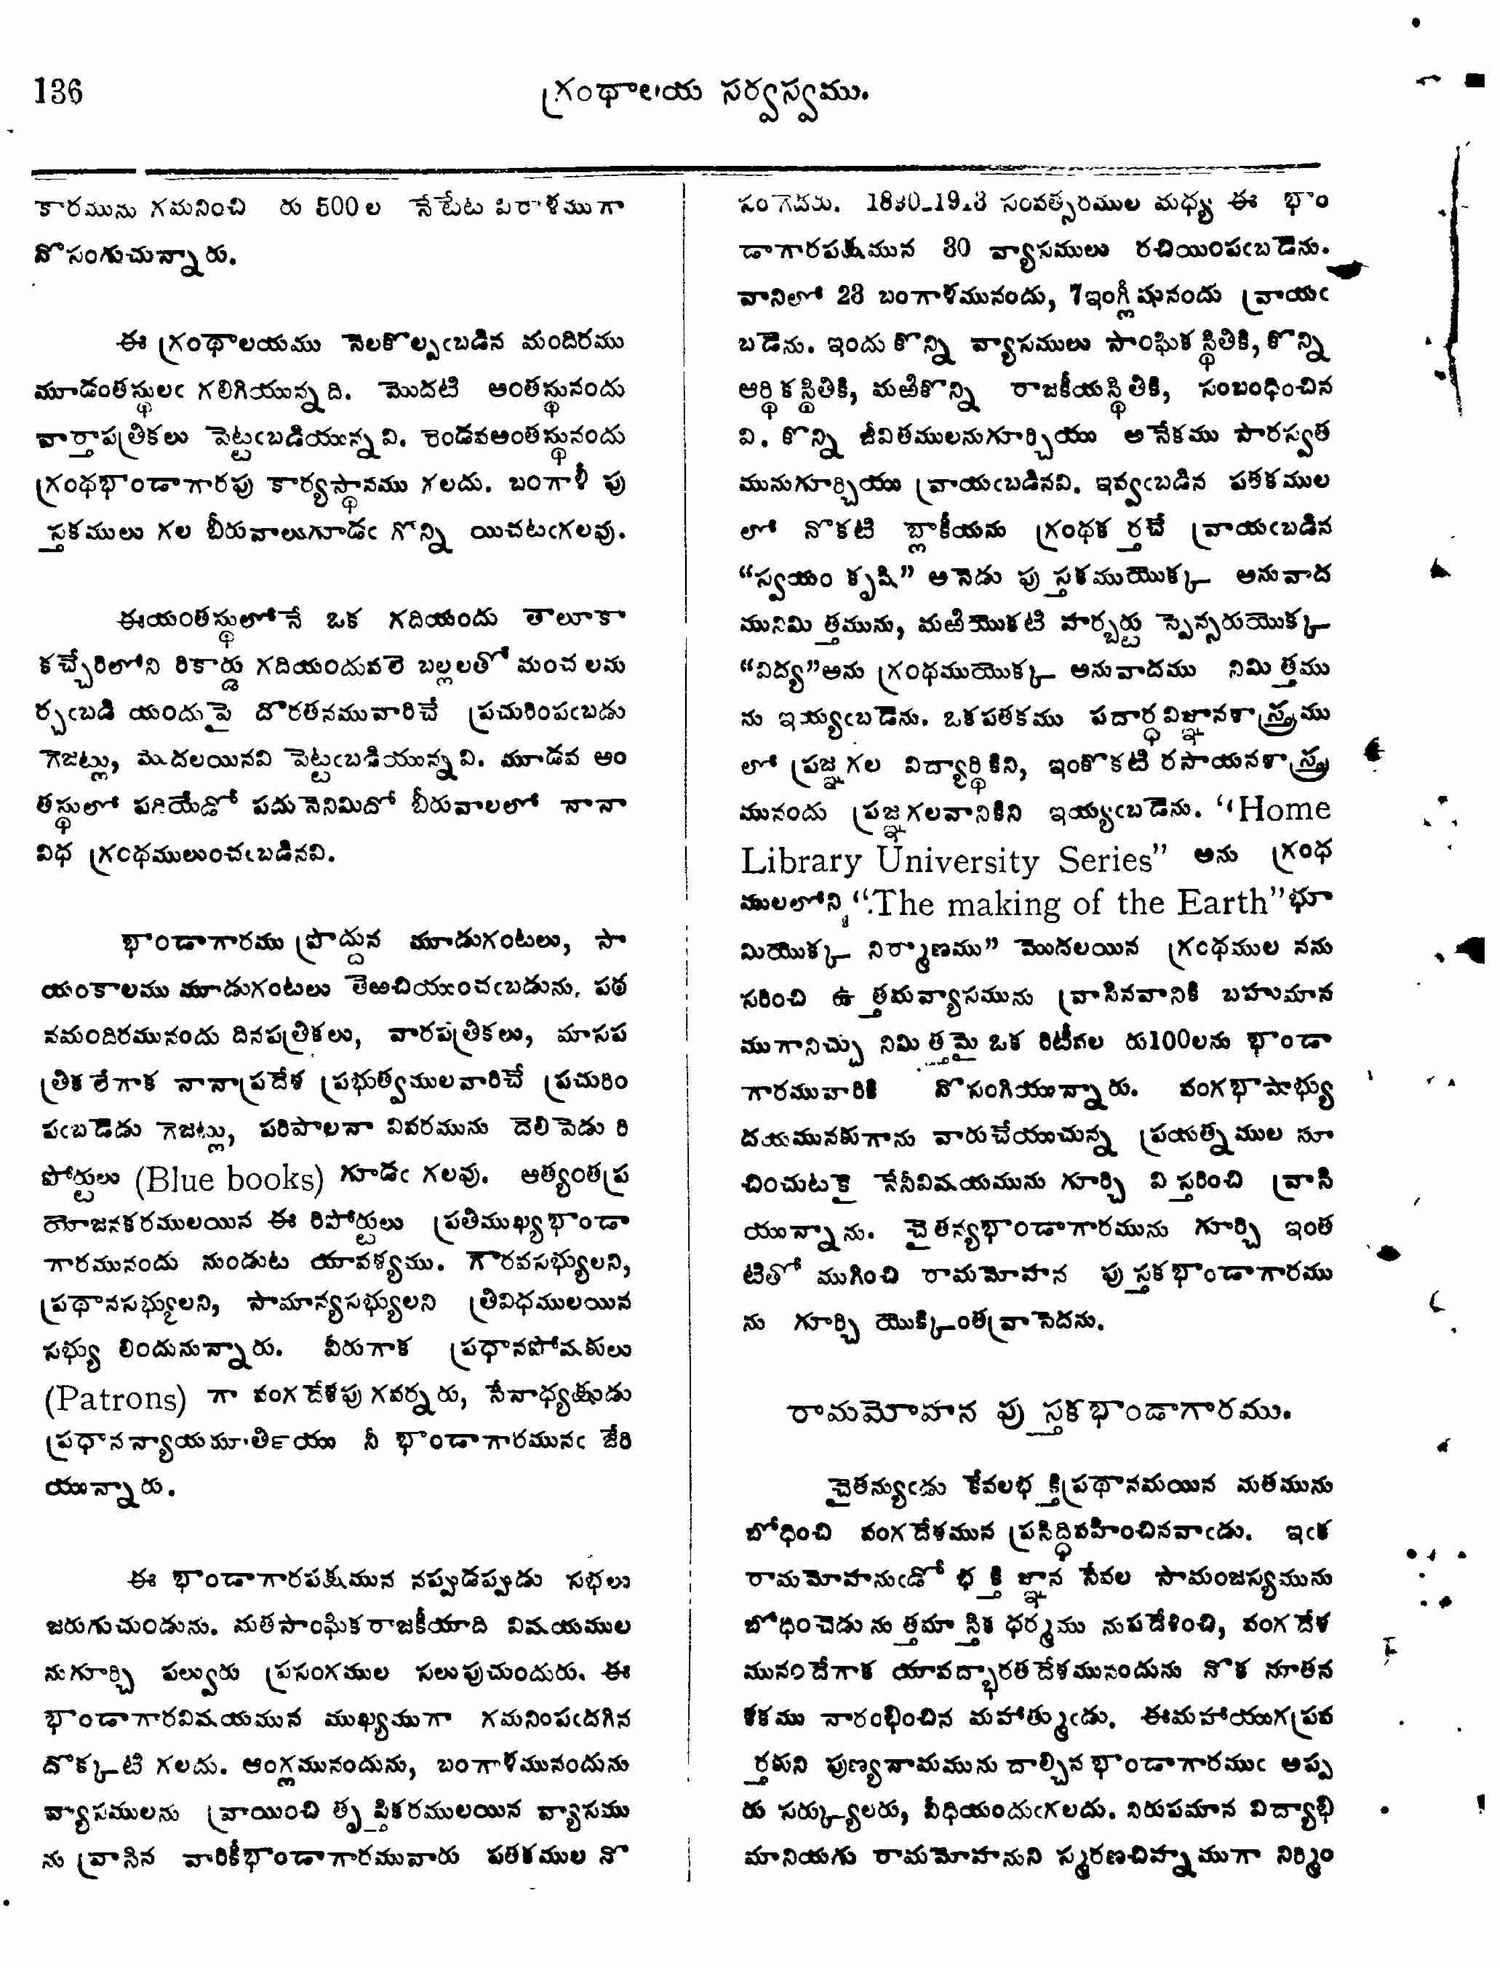కారమును గమనించి రు 500 ల నేపేట విరాళముగా
నోసంగుచున్నారు.

ఈ గ్రంథాలయము నెలకొల్పఁబడిన మందిరము
మూడంతస్థులఁ గలిగియున్నది. మొదటి అంతస్థునందు
వార్తాపత్రికలు పెట్టఁబడియున్నవి. రెండవ అంతస్థునందు
గ్రంథభాండాగారపు కార్యస్థానము గలదు, బంగాళీ పుస్తకములు గల బీరువాలు గూడఁ గొన్ని యిచటఁ గలవు.

ఈయంతస్థులోనే ఒక గదియందు తాలూకా
కచ్చేరిలోని రికార్డు గదియందువలె బల్లలతో మంచల నమర్చఁబడి యందుపై దొరతనమువారిచే ప్రచురింపఁబడు గెజట్లు, మొదలయినవి పెట్టఁబడియున్నవి. మూడవ అంతస్థులో పదియేడో పదునెనిమిదో బీరువాలలో నానావిధ గ్రంథములుంచఁబడినవి.

భాండాగారము ప్రొద్దున మూడుగంటలు, సాయంకాలము మూడుగంటలు తెఱచియుంచఁబడును, పఠనమందిరమునందు దినపత్రికలు, వారపత్రికలు, మాసపత్రికలేగాక నానాప్రదేశ ప్రభుత్వముల వారిచే ప్రచురింపఁబడెడు గెజట్లు, పరిపాలనా వివరమును దెలిపెడు రిపోర్టులు (Blue books) గూడఁ గలవు. అత్యంత ప్రయోజనకరములయిన ఈ రిపోర్టులు ప్రతిముఖ్య భాండాగారమునందు నుండుట యావశ్యము. గౌరవసభ్యులని, ప్రధానసభ్యులని, సామాన్య సభ్యులని త్రివిధములయిన
సభ్యులిందునున్నారు. వీరు గాక ప్రధానపోషకులు (Patrons) గా వంగ దేశపు గవర్నరు, సేనాధ్యక్షుడు, ప్రధాన న్యాయమూతి౯యు నీ భాండాగారమునఁ జేరి
యున్నారు.

ఈ భాండాగారపక్షమున నప్పుడప్పుడు సభలు
జరుగుచుండును. మతసాంఘిక రాజకీయాది విషయములనుగూర్చి పల్వురు ప్రసంగములు సలుపుచుందురు. ఈ భాండాగారవిషయమున ముఖ్యముగా గమనింపఁదగిన
దొక్కటి గలదు. ఆంగ్లమునందును, బంగాళమునందును వ్యాసములను వ్రాయించి తృప్తికరములయిన వ్యాసమును వ్రాసిన వారికీభాండాగారము వారు పతకముల నొసంగెదరు. 1830_1943 సంవత్సరముల మధ్య ఈ భాం
డాగారపక్షమున 30 వ్యాసములు రచియింపఁబడెను.
వానిలో 28 బంగాళమునందు, 7 ఇంగ్లీషునందు వ్రాయఁబడెను. ఇందు కొన్ని వ్యాసములు సాంఘిక స్థితికి, కొన్ని
ఆర్థికస్థితికి, మఱికొన్ని రాజకీయస్థితికి, సంబంధించినవి. కొన్ని జీవితములను గూర్చియు అనేకము పౌరస్వతమునుగూర్చియు వ్రాయఁబడినవి. ఇవ్వఁబడిన పథకములలో నొకటి బ్లాకీయను గ్రంథకర్తచే వ్రాయఁబడిన “స్వయం కృషి" అనెడు పుస్తకముయొక్క అనువాదము నిమిత్తమును, మఱియొకటి హర్బర్టు స్పెన్సరు యొక్క
“విద్య” అను గ్రంథము యొక్క అనువాదము నిమిత్తమును ఇయ్యఁబడెను. ఒక పతకము పదార్ధ విజ్ఞానశాస్త్రములో ప్రజ్ఞగల విద్యార్థికిని, ఇంకొకటి రసాయనశాస్త్రము నందు ప్రజ్ఞగలవానికిని ఇయ్యఁబడెను. “Home Library University Series" అను గ్రంధములలోని “The making of the Earth" భూమి యొక్క నిర్మాణము” మొదలయిన గ్రంథముల ననుసరించి ఉత్తము వ్యాసమును వ్రాసినవానికి బహుమానముగా నిచ్చు నిమిత్తమై ఒకరిటీవల రు100లను భాండాగారము వారికి నొసంగియున్నారు. వంగ భాషాభ్యుదయమునకు గాను వారు చేయుచున్న ప్రయత్నముల సూచించుటకై నేనీవిషయమును గూర్చి విస్తరించి వ్రాసియున్నాను. చైతన్యభాండాగారమును గూర్చి ఇంతటితో ముగించి రామమోహన పుస్తకభాండాగారము
ను గూర్చి యొక్కింత వ్రానెదను,
రామమోహన పుస్తక భాండాగారము.
చైతన్యుఁడు కేవలభక్తిప్రధానమయిన మతమును
బోధించి వంగ దేశమున ప్రసిద్ధివహించినవాఁడు. ఇంక
రామమోహనుఁడో భక్తి జ్ఞాన సేవల సామంజస్యమును
బోధించెడు నుత్తమాస్తిక ధర్మము నుపదేశించి, వంగ దేశమునందేగాక యావద్భారత దేశమునందును నొక నూతన శకము నారంభించిన మహాత్ముఁడు, ఈమహాయుగ ప్రవర్తకుని పుణ్యనామమును దాల్చిన భాండాగారముఁ అప్పరు సర్క్యులరు, వీధియందుఁగలదు. నిరుపమాన విద్యాభిమానియగు రామమోహనుని స్మరణచిహ్నముగా నిర్మిం